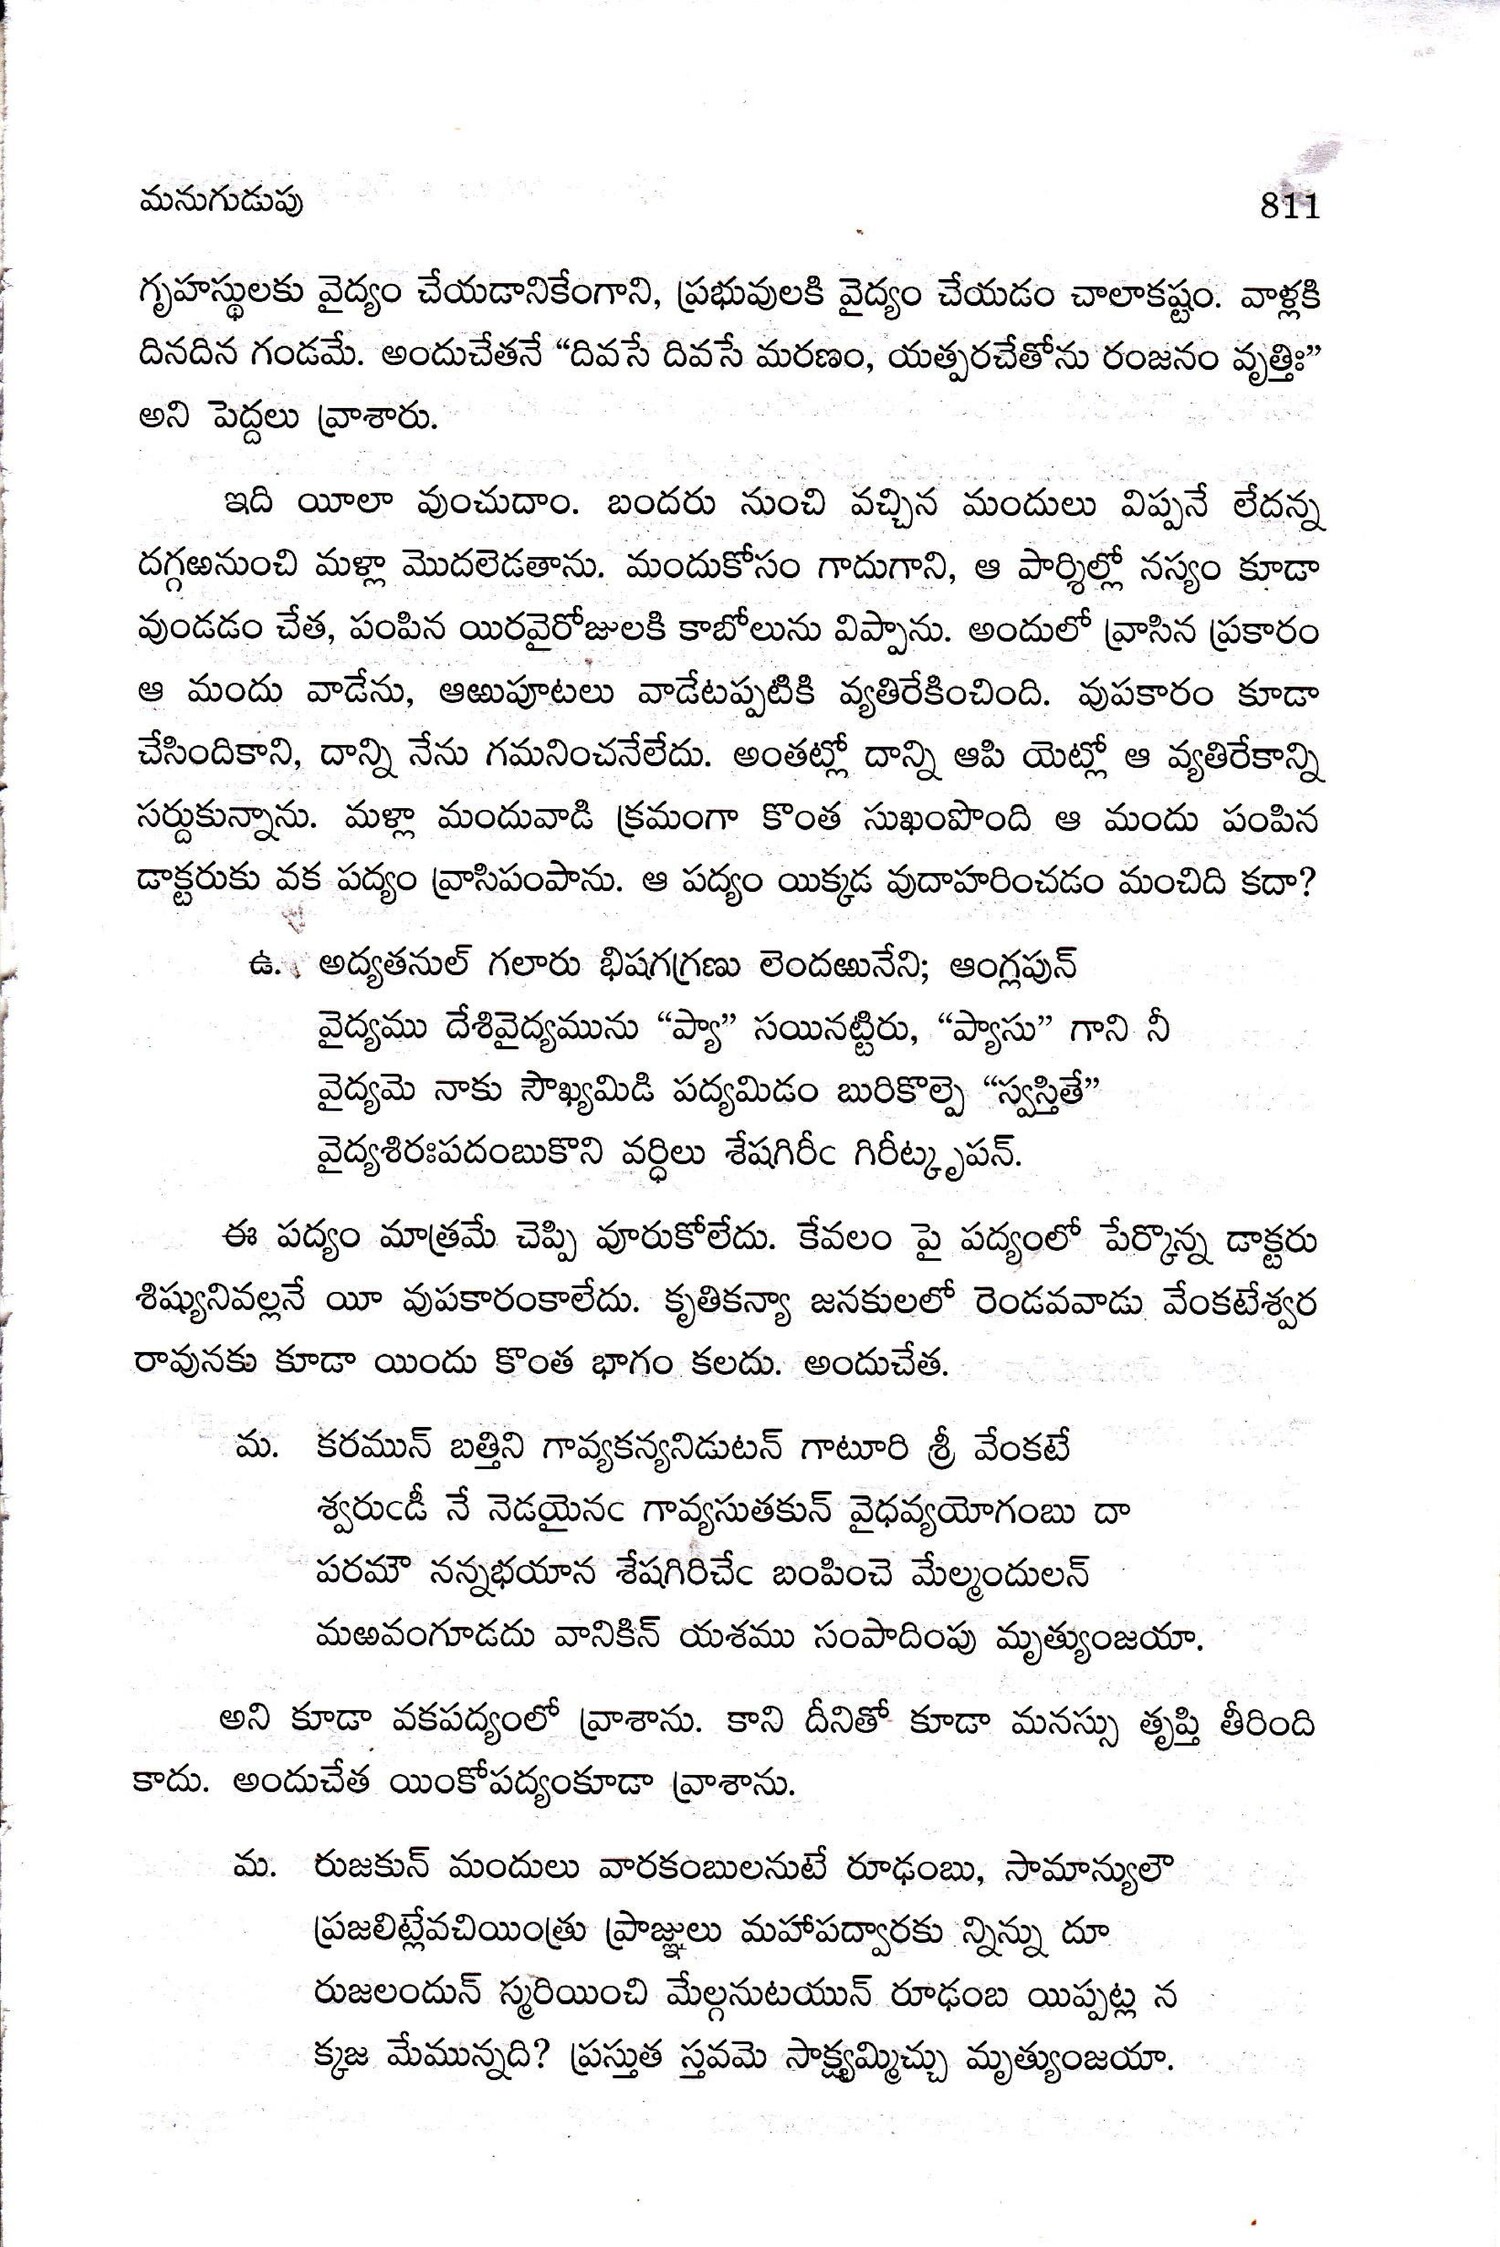గృహస్థులకు వైద్యం చేయడానికేంగాని, ప్రభువులకి వైద్యం చేయడం చాలాకష్టం. వాళ్లకి దినదిన గండమే. అందుచేతనే "దివసే దివసే మరణం, యత్పరచేతోను రంజనం వృత్తిః" అని పెద్దలు వ్రాశారు. . -

ఇది యీలా వుంచుదాం. బందరు నుంచి వచ్చిన మందులు విప్పనే లేదన్న దగ్గఱనుంచి మళ్లా మొదలెడతాను. మందుకోసం గాదుగాని, ఆ పార్శిల్లో నస్యం కూడా వుండడం చేత, పంపిన యిరవైరోజులకి కాబోలును విప్పాను. అందులో వ్రాసిన ప్రకారం ఆ మందు వాడేను, ఆఱుపూటలు వాడేటప్పటికి వ్యతిరేకించింది. వుపకారం కూడా చేసిందికాని, దాన్ని నేను గమనించనేలేదు. అంతట్లో దాన్ని ఆపి యెట్లో ఆ వ్యతిరేకాన్ని సర్దుకున్నాను. మళ్లా మందువాడి క్రమంగా కొంత సుఖంపొంది ఆ మందు పంపిన డాక్టరుకు వక పద్యం వ్రాసిపంపాను. ఆ పద్యం యిక్కడ వుదాహరించడం మంచిది కదా?

ఉ. అద్యతనుల్ గలారు భిషగగ్రణు లెందఱునేని; ఆంగ్లపున్
 వైద్యము దేశివైద్యమును "ప్యా" సయినట్టిరు, "ప్యాసు" గాని నీ 
 వైద్యమె నాకు సౌఖ్యమిడి పద్యమిడం బురికొల్పె "స్వస్తితే" 
 వైద్యశిరఃపదంబుకొని వర్ధిలు శేషగిరీఁ గిరీట్కృపన్,
ఈ పద్యం మాత్రమే చెప్పి వూరుకోలేదు. కేవలం పై పద్యంలో పేర్కొన్న డాక్టరు శిష్యునివల్లనే యీ వుపకారంకాలేదు. కృతికన్యా జనకులలో రెండవవాడు వేంకటేశ్వరరావునకు కూడా యిందు కొంత భాగం కలదు. అందుచేత,

మ. కరమున్ బత్తిని గావ్యకన్యనిడుటన్ గాటూరి శ్రీ వేంకటే 
 శ్వరుఁడీ నే నెడయైనఁ గావ్యసుతకున్ వైధవ్యయోగంబు దా
 పరమౌ నన్నభయాన శేషగిరిచేఁ బంపించె మేల్మందులన్ 
 మఱవంగూడదు వానికిన్ యశము సంపాదింపు మృత్యుంజయా,
అని కూడా వకపద్యంలో వ్రాశాను. కాని దీనితో కూడా మనస్సు తృప్తి తీరింది కాదు. అందుచేత యింకోపద్యంకూడా వ్రాశాను.

మ. రుజకున్ మందులు వారకంబులనుటే రూఢంబు, సామాన్యులౌ
 ప్రజలిట్లేవచియింత్రు ప్రాజ్ఞులు మహాపద్వారకు నిన్ను దూ 
 రుజలందున్ స్మరియించి మేల్గనుటయున్ రూఢంబ యిప్పట్ల న 
 కుజ మేమున్నది? ప్రస్తుత స్తవమె సాక్ష్యమ్మిచ్చు మృత్యుంజయా.